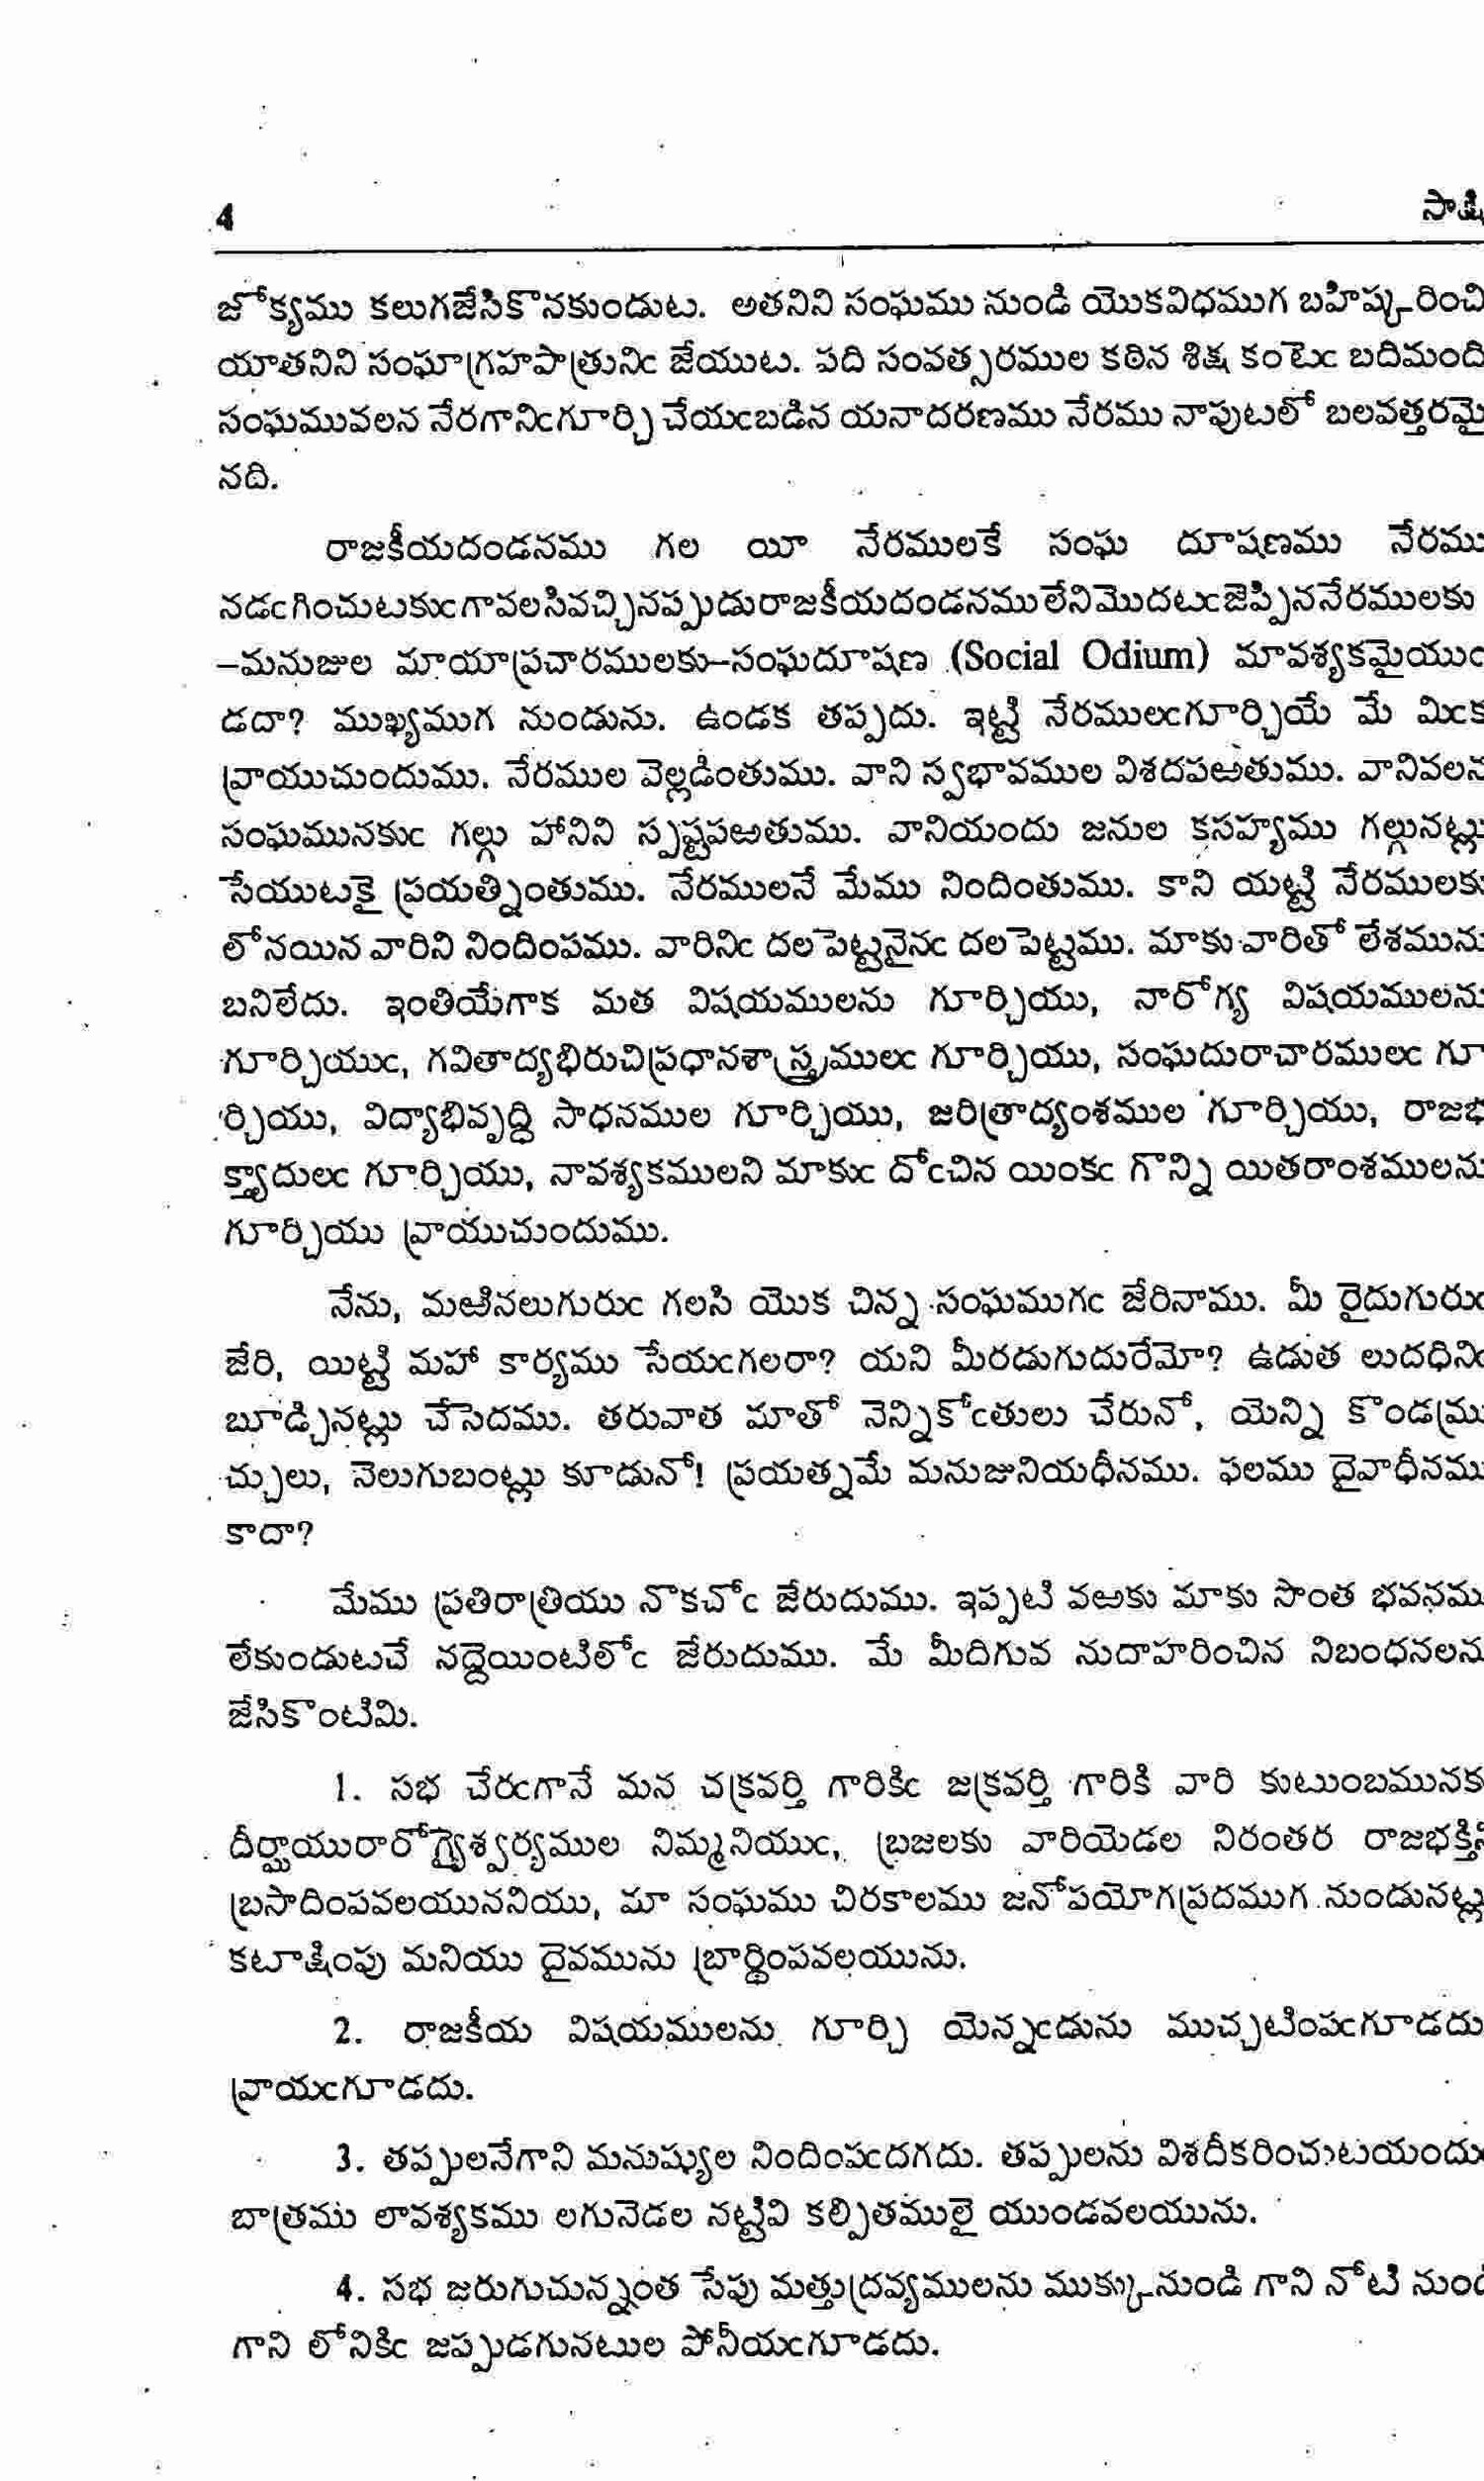జోక్యము కలుగజేసికొనకుండుట. అతనిని సంఘము నుండి యొకవిధముగ బహిష్కరించి యాతనిని సంఘాగ్రహపాత్రునిఁ జేయుట. పది సంవత్సరముల కఠిన శిక్ష కంటెఁ బదిమంది సంఘమువలన నేరగానిఁగూర్చి చేయఁబడిన యనాదరణము నేరము నాపుటలో బలవత్తరమైనది.

రాజకీయదండనము గల యీ నేరములకే సంఘ దూషణము నేరము నడఁగించుటకుఁ గావలసివచ్చినప్పుడు రాజకీయదండనములేని మొదటఁజెప్పిననేరములకు - మనుజుల మాయాప్రచారములకు - సంఘదూషణ (Social Odium) మావశ్యకమైయుండదా? ముఖ్యముగ నుండును. ఉండక తప్పదు. ఇట్టి నేరములఁగూర్చియే మే మిఁక వ్రాయుచుందుము. నేరముల వెల్లడింతుము. వాని స్వభావముల విశదపఱతుము. వానివలన సంఘమునకుఁ గల్గు హానిని స్పష్టపఱతుము. వానియందు జనుల కసహ్యము గల్గునట్లు సేయుటకై ప్రయత్నింతుము. నేరములనే మేము నిందింతుము. కాని యట్టి నేరములకు లోనయిన వారిని నిందింపము. వారినిఁ దలపెట్టనైనఁ దలపెట్టము. మాకు వారితో లేశమును బనిలేదు. ఇంతియేగాక మత విషయములను గూర్చియు, నారోగ్య విషయములను గూర్చియుఁ, గవితాద్యభిరుచిప్రధానశాస్త్రములఁ గూర్చియు, సంఘదురాచారములఁ గూర్చియు, విద్యాభివృద్ధి సాధనముల గూర్చియు, జరిత్రాద్యంశముల గూర్చియు, రాజభక్త్యాదులఁ గూర్చియు, నావశ్యకములని మాకుఁ దోఁచిన యింకఁ గొన్ని యితరాంశములను గూర్చియు వ్రాయుచుందుము.

నేను, మఱినలుగురుఁ గలసి యొక చిన్న సంఘముగఁ జేరినాము. మీ రైదుగురుఁ జేరి, యిట్టి మహా కార్యము సేయఁగలరా? యని మీరడుగుదురేమో? ఉడుత లుదధిని బూడ్చినట్లు చేసెదము. తరువాత మాతో నెన్నికోఁతులు చేరునో, యెన్ని కొండమ్రుచ్చులు, నెలుగుబంట్లు కూడునో! ప్రయత్నమే మనుజునియధీనము. ఫలము దైవాధీనము కాదా?

మేము ప్రతిరాత్రియు నొకచోఁ జేరుదుము. ఇప్పటి వఱకు మాకు సొంత భవనము లేకుండుటచే నద్దెయింటిలోఁ జేరుదుము. మే మీదిగువ నుదాహరించిన నిబంధనలను జేసికొంటిమి.

1. సభ చేరఁగానే మన చక్రవర్తి గారికిఁ జక్రవర్తి గారికి వారి కుటుంబమునకు దీర్ఘాయురారోగ్యైశ్వర్యముల నిమ్మనియుఁ, బ్రజలకు వారియెడల నిరంతర రాజభక్తిని బ్రసాదింపవలయుననియు, మా సంఘము చిరకాలము జనోపయోగప్రదముగ నుండునట్లు కటాక్షింపు మనియు దైవమును బ్రార్థింపవలయును.

2. రాజకీయ విషయములను గూర్చి యెన్నఁడును ముచ్చటింపఁగూడదు వ్రాయఁగూడదు.

3. తప్పులనేగాని మనుష్యుల నిందింపఁదగదు. తప్పులను విశదీకరించుటయందు బాత్రము లావశ్యకము లగునెడల నట్టివి కల్పితములై యుండవలయును.

4. సభ జరుగుచున్నంత సేపు మత్తుద్రవ్యములను ముక్కునుండి గాని నోటి నుండి గాని లోనికిఁ జప్పుడగునటుల పోనీయఁగూడదు.